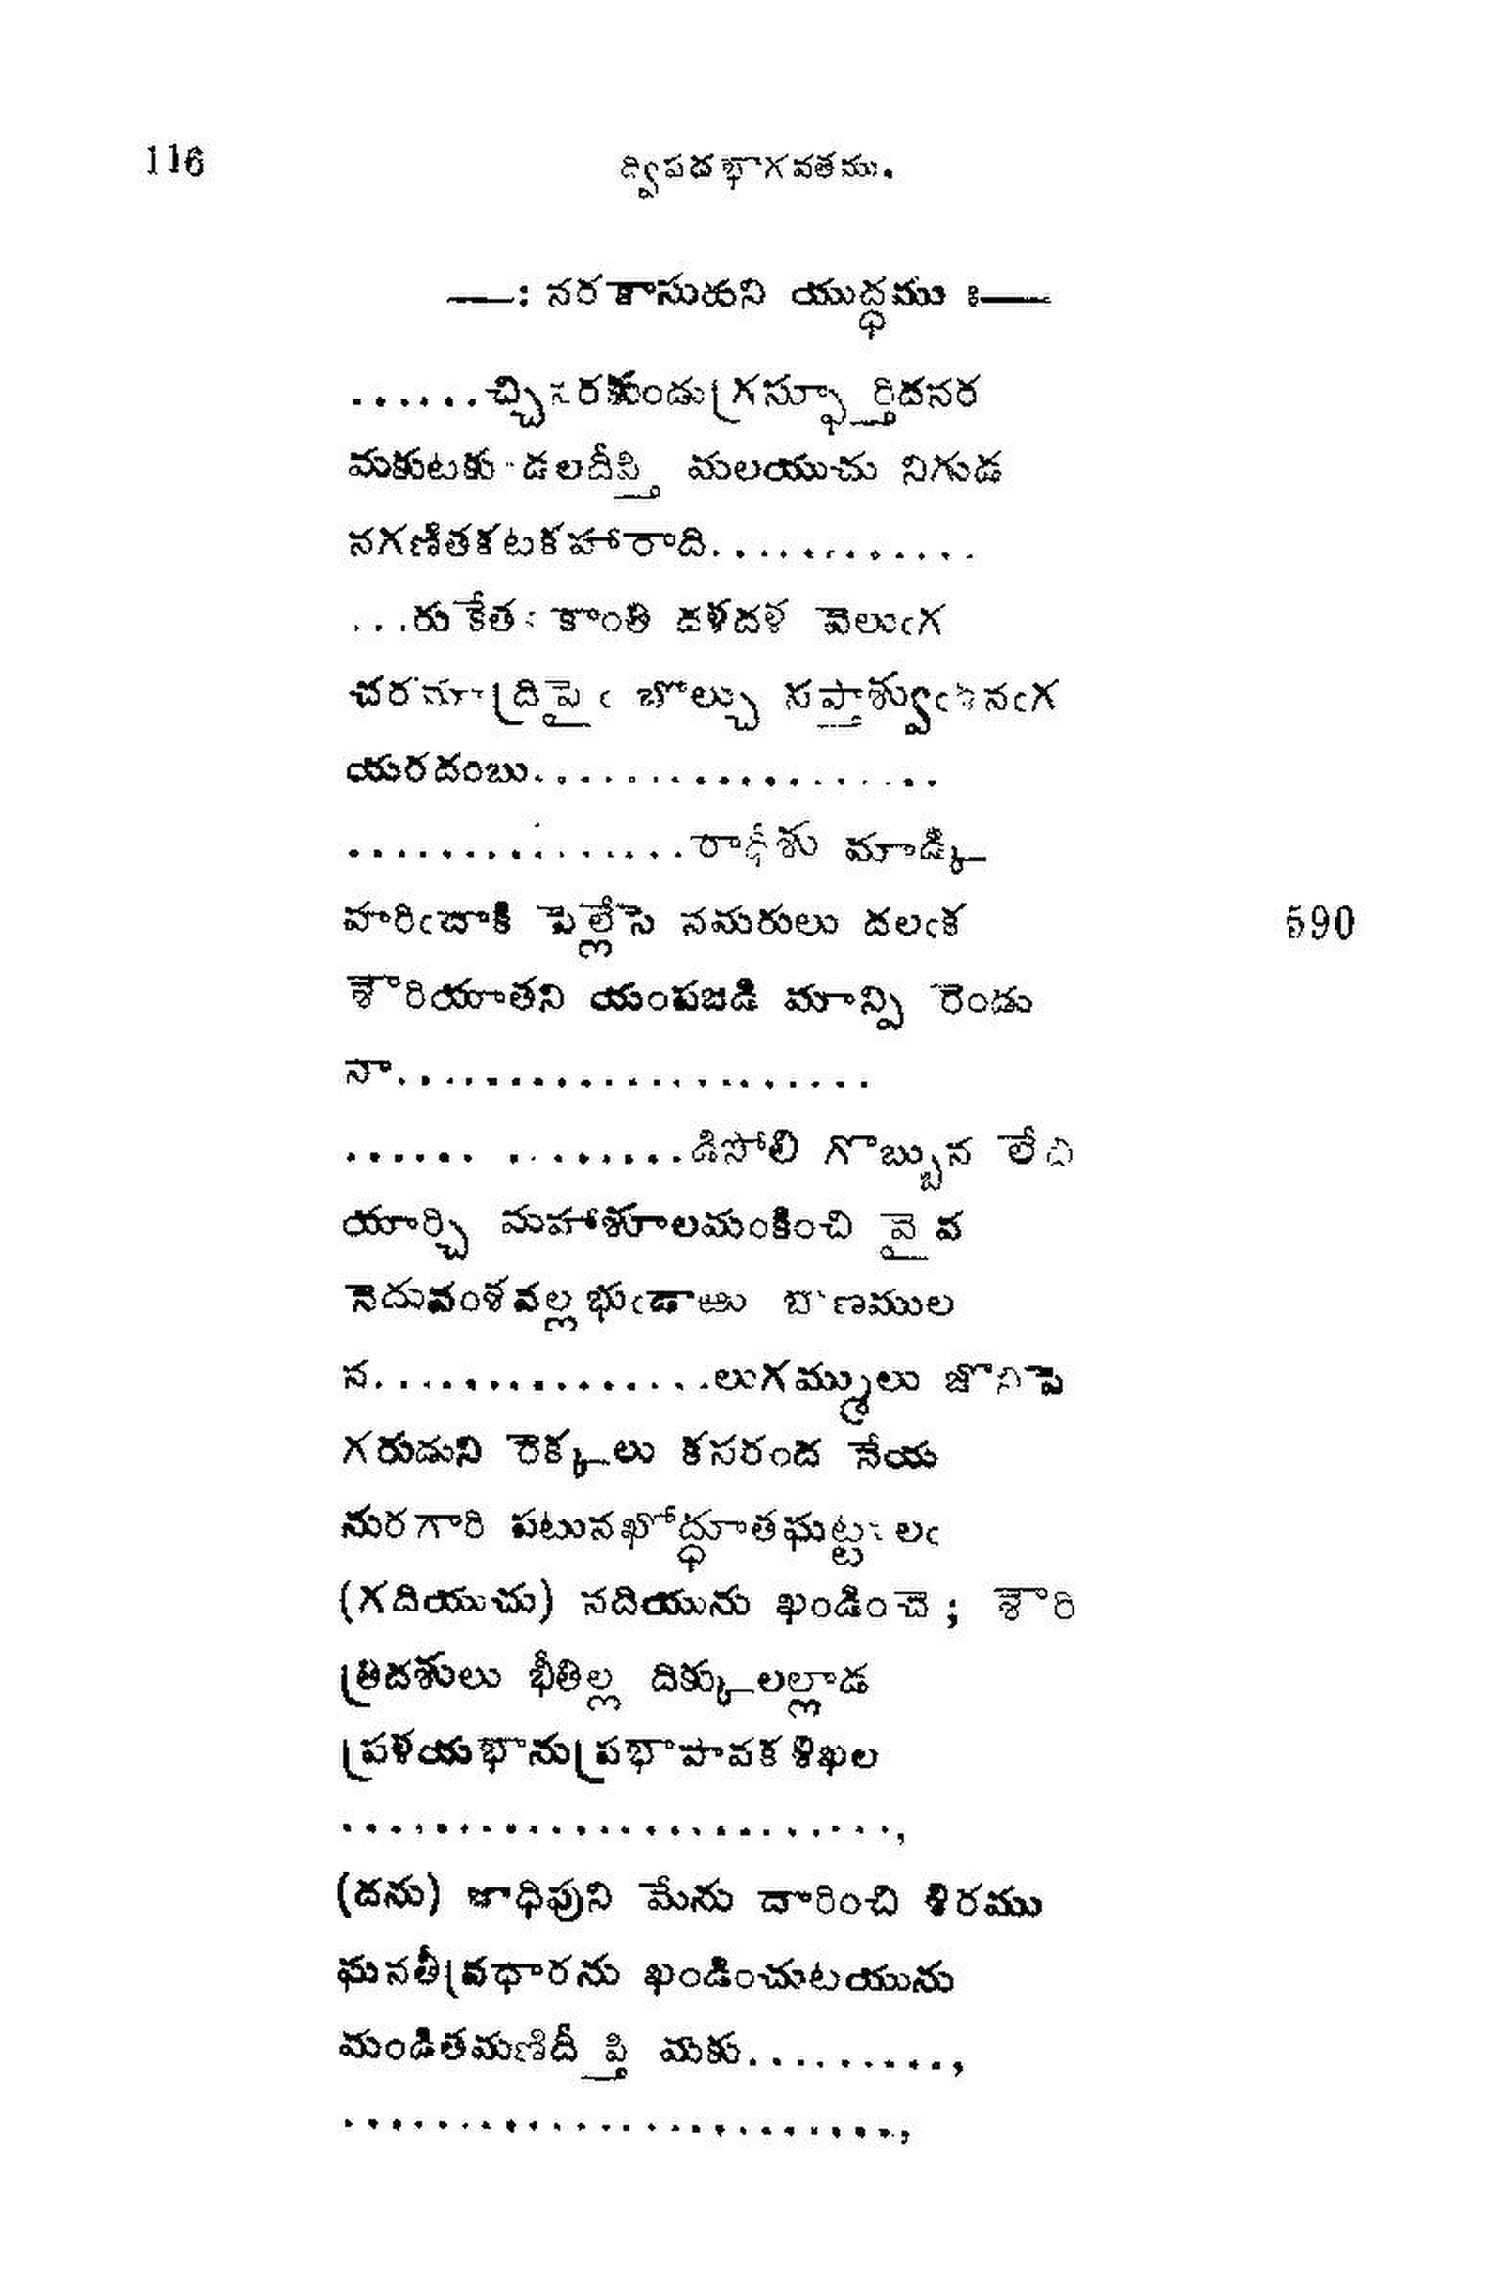..............చ్చి నరకుండుగ్ర స్ఫూర్తిదనర
మకుట కుండల దీప్తి మలయుచు నిగుడ
నగణిత కటక హారాది................
....రుకేతన కాంతి దళదళ వెలుఁగ
చరమాద్రిపైఁ బొల్చు సప్తాశ్వుఁడనఁగ
యరదంబు .....................
.....................రాధీశు మాడ్కి
హరిఁదాకి పెల్లేసె నమరులు దలఁక     590
శౌరియాతని యంపజడి మాన్పి రెండు
నా...................................
..........................డిసోలి గొబ్బున లేచి
యార్చి మహాశూలమంకించి వైవ
నెదువంశవల్లభుఁడాఱు బాణముల
..........................లుగమ్ములు జొనిపె
గరుడుని రెక్కలు కసరంద నేయ
నురగారి పటునఖోద్ధూతఘట్టనలఁ
(గదియుచు) నదియును ఖండించె; శౌరి 
త్రిదశులు భీతిల్ల దిక్కులల్లాడ 
ప్రళయభానుప్రభాపావక శిఖల
.........................................,
(దను)జాధివుని మేనుదారించి శిరము
ఘనతీవ్రధారను ఖండించుటయును
మండిత మణిదీప్తి మకు................,
............................................,